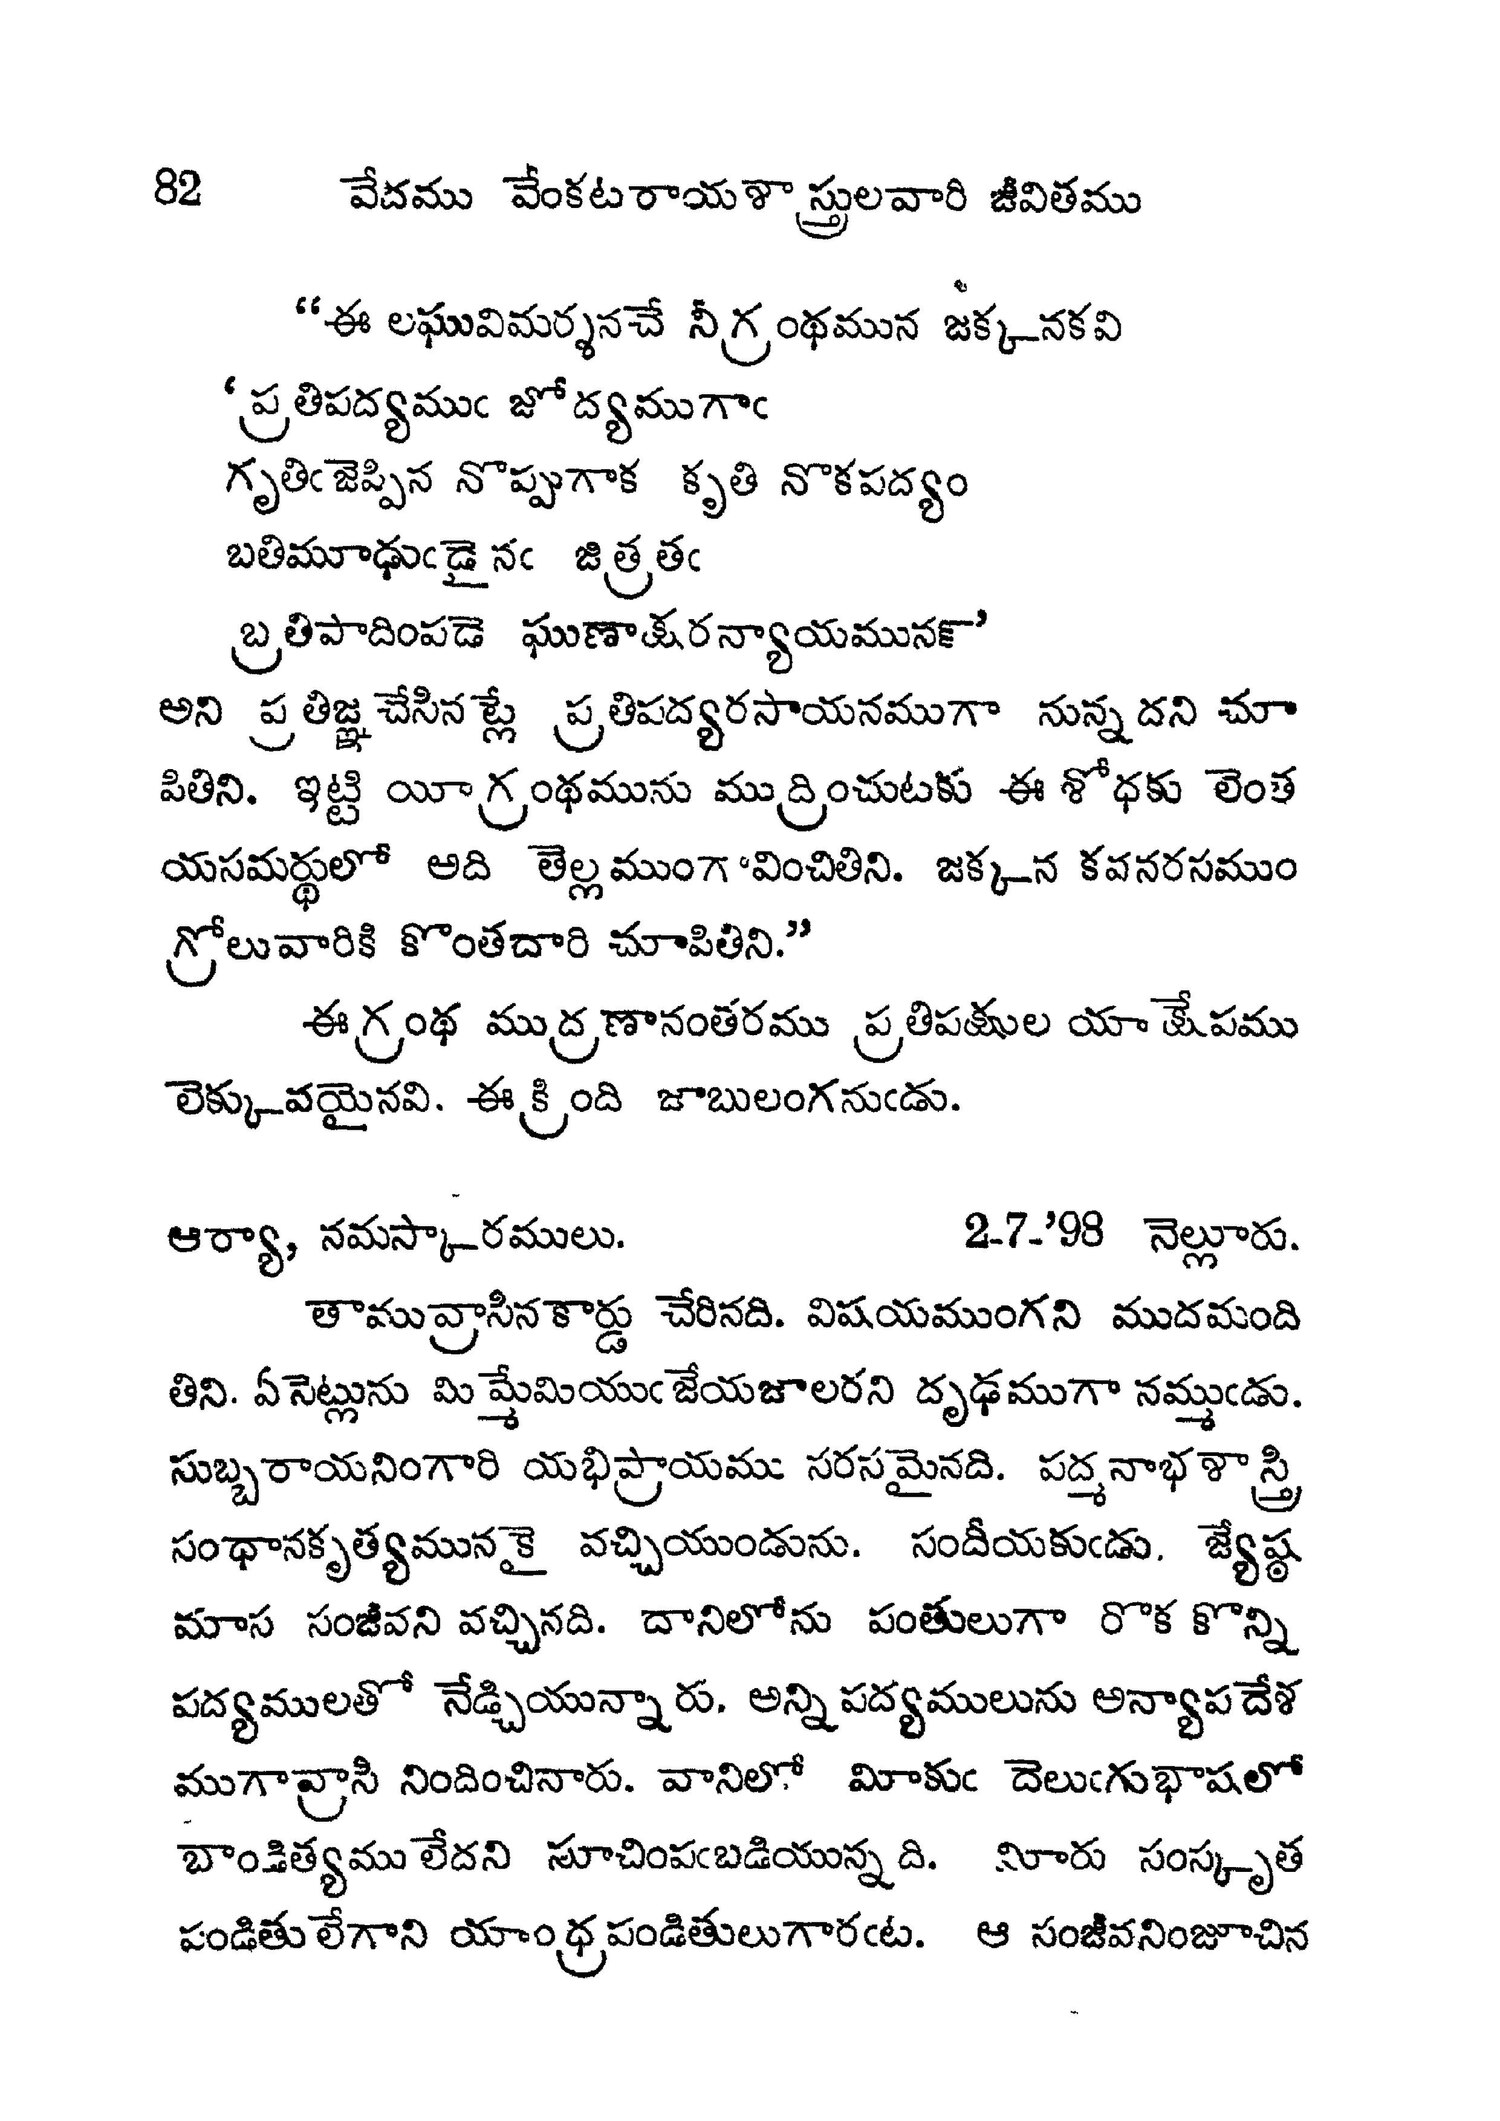"ఈ లఘువిమర్శనచే నీగ్రంథమున జక్కనకవి
 'ప్రతిపద్యము జోద్యముగా
 గృతిజెప్పిన నొప్పుగాక కృతి నొకపద్యం
 బతిమూడుడైన జిత్రత
 బ్రతిపాదింపడె ఘణాక్షరన్యాయమునన్‌'

అని ప్రతిజ్ఞచేసినట్లే ప్రతిపద్యరసాయనముగా నున్నదని చూపితిని. ఇట్టి యీగ్రంథమును ముద్రించుటకు ఈశోధకు లెంత యసమర్థులో అది తెల్లముంగావించితిని. జక్కన కవనరసముం గ్రోలువారికి కొంతదారి చూపితిని."

ఈగ్రంథ ముద్రణానంతరము ప్రతిపక్షుల యాక్షేపము లెక్కువయైనవి. ఈక్రింది జాబులంగనుడు.

2-7-98 నెల్లూరు
ఆర్యా, నమస్కారములు.

తామువ్రాసినకార్డు చేరినది. విషయముంగని ముదమందితిని. ఏనెట్లును మిమ్మేమియుజేయజాలరని దృడముగా నమ్ముడు. సుబ్బరాయనింగారి యభిప్రాయము సరసమైనది. పద్మనాభశాస్త్రి సంథానకృత్యమునకై వచ్చియుండును. సందీయకుడు. జ్యేష్ఠమాస సంజీవని వచ్చినది. దానిలోను పంతులుగా రొక కొన్ని పద్యములతో నేడ్చియున్నారు. అన్ని పద్యములును అన్యాపదేశముగావ్రాసి నిందించినారు. వానిలో మీకు దెలుగుభాషలో బాండిత్యములేదని సూచింపబడియున్నది. మీరు సంస్కృత పండితులేగాని యాంథ్రపండితులుగారట. ఆ సంజీవనింజూచిన